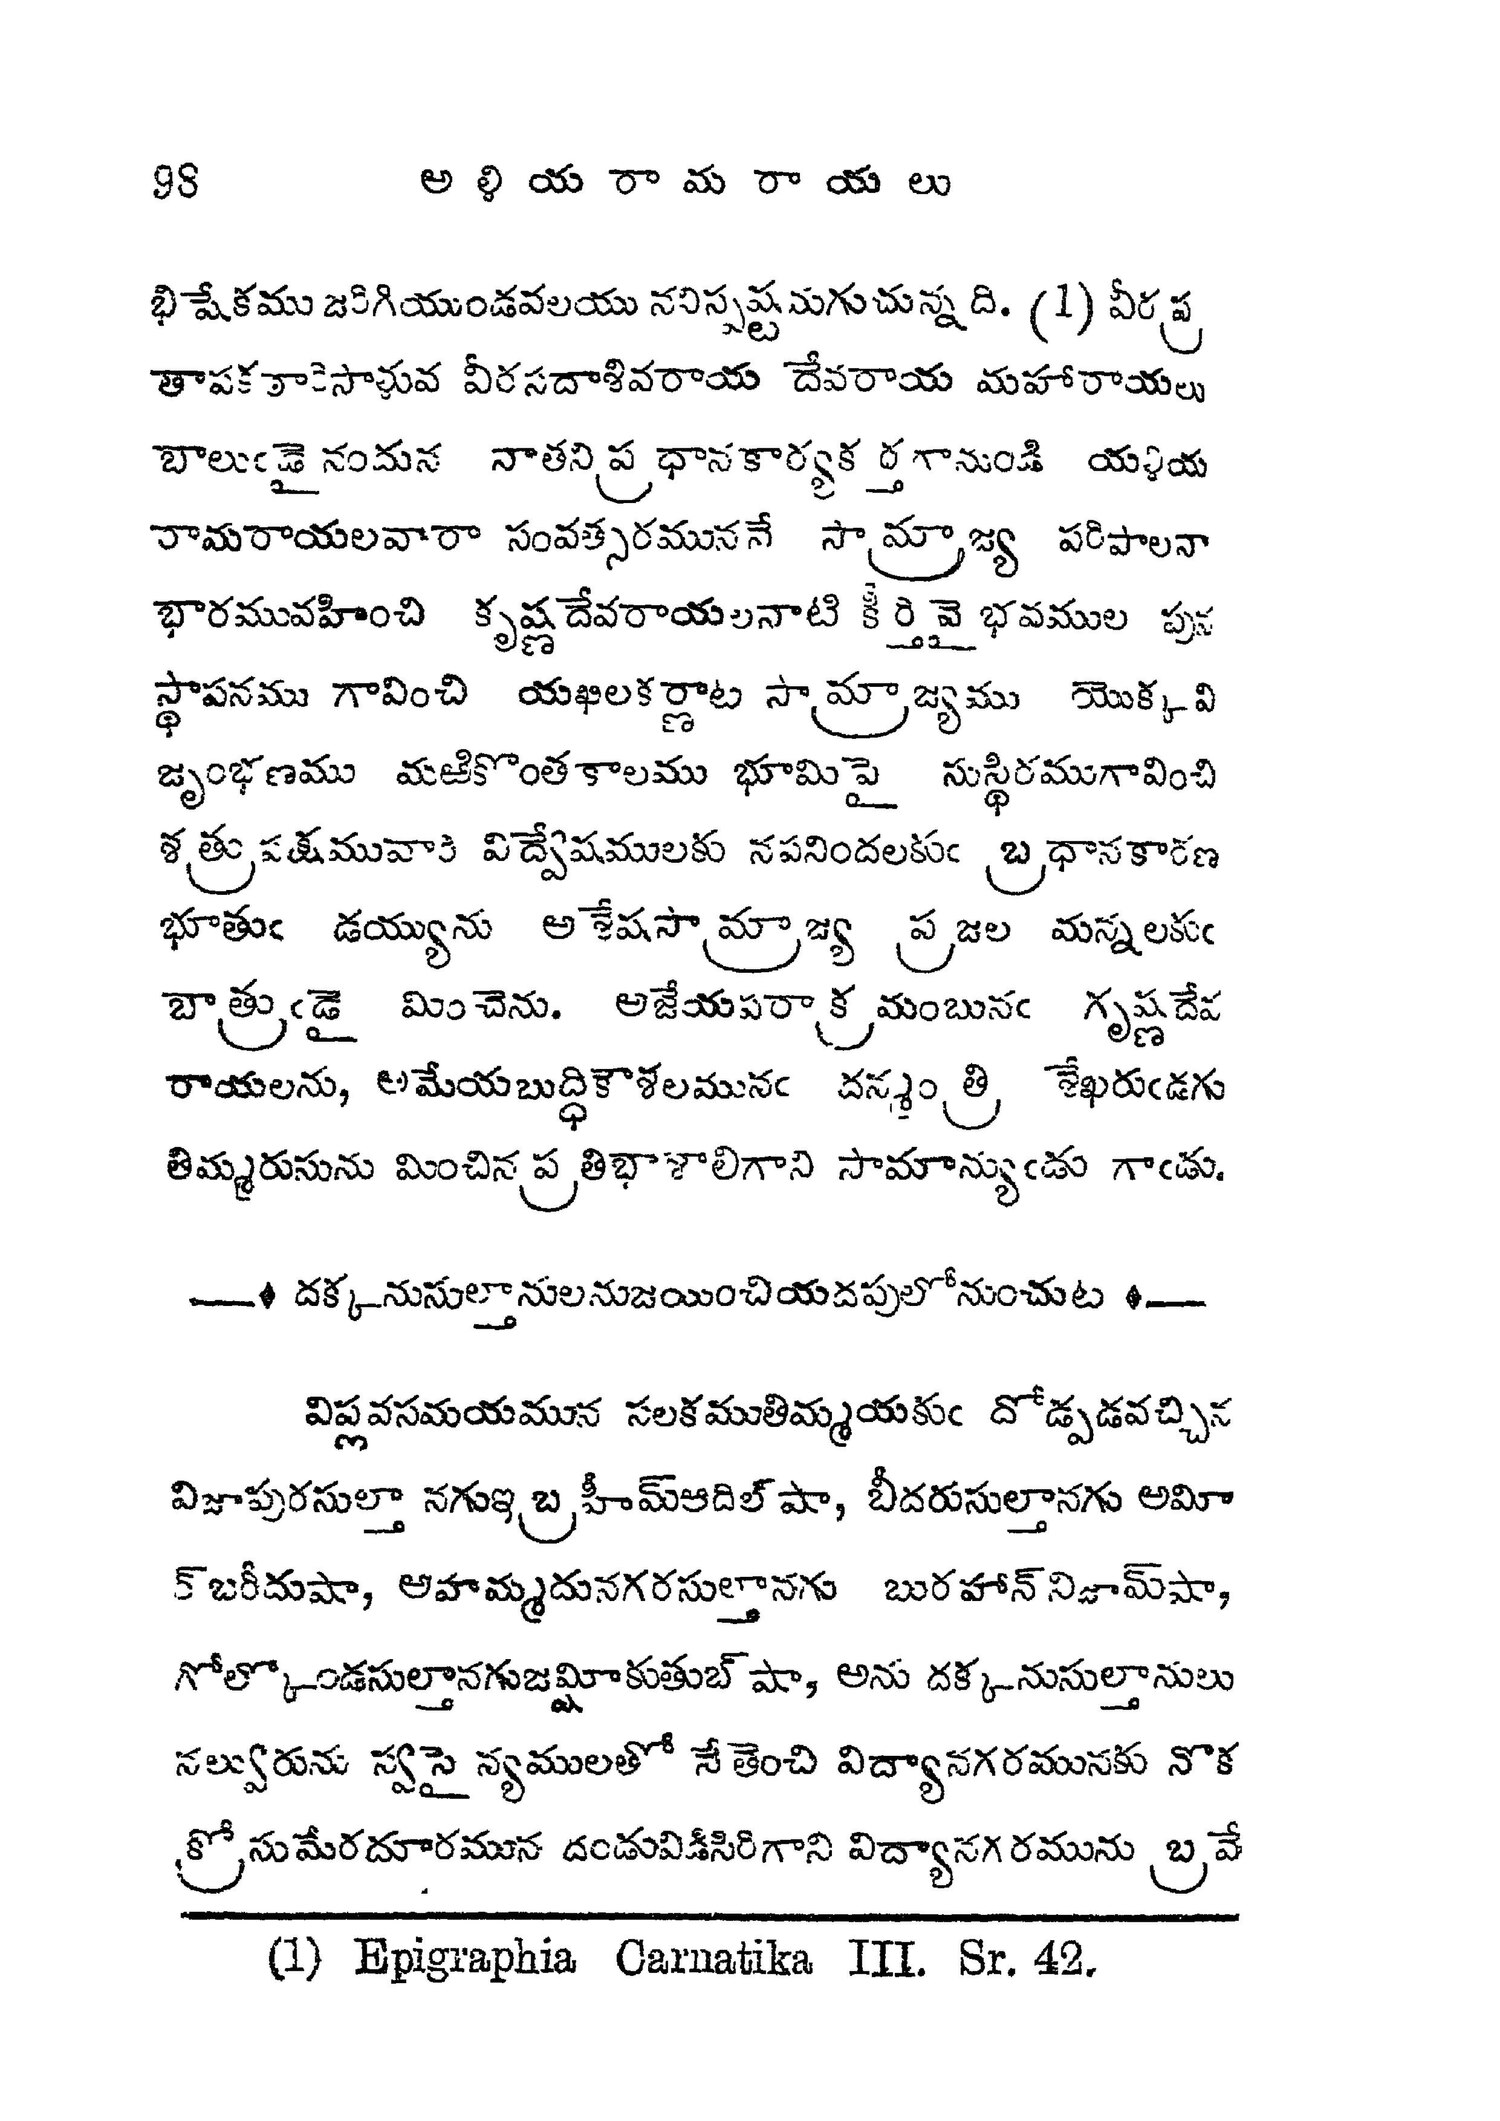భిషేకము జరిగియుండవలయు ననిస్పష్టమగుచున్నది. వీరప్రతాపకఠారిసాళువ వీరసదాశివరాయ దేవరాయ మహారాయలు బాలుడైనందున నాతనిప్రధానకార్యకర్తగానుండి యళియరామరాయలవారా సంవత్సరముననే సామ్రాజ్య పరిపాలనా భారమువహించి కృష్ణదేవరాయలనాటి కీర్తివైభవముల పునస్థాపనము గావించి యఖిలకర్ణాట సామ్రాజ్యము యొక్కవిజృంభణము మఱికొంతకాలము భూమిపై సుస్థిరముగావించి శత్రుపక్షమువారి విద్వేషములకు నపనిందలకు బ్రధానకారణభూతు డయ్యును అశేషసామ్రాజ్య ప్రజల మన్నలకు బాత్రుడై మించెను. అజేయపరాక్రమంబున గృష్ణదేవరాయలను, అమేయబుద్ధికౌశలమున దన్మంత్రి శేఖరుడగు తిమ్మరుసును మించినప్రతిభాశాలిగాని సామాన్యుడు గాడు.

విప్లవసమయమున సలకముతిమ్మయకు దోడ్పడవచ్చిన విజాపురసుల్తా నగుఇబ్రహీమ్‌ఆదిల్‌షా, బీదరుసుల్తానగు అమీర్‌బరీదుషా, అహమ్మదునగరసుల్తానగు బురహాన్‌నిజామ్‌షా, గోల్కొండ సుల్తానగుజమ్షీకుతుబ్‌షా, అను దక్కనుసుల్తానులు పల్వురును స్వసైన్యములతో నేతెంచి విద్యానగరమునకు నొక క్రోసుమేరదూరమున దండువిడిసిరిగాని విద్యానగరమును బ్రవే